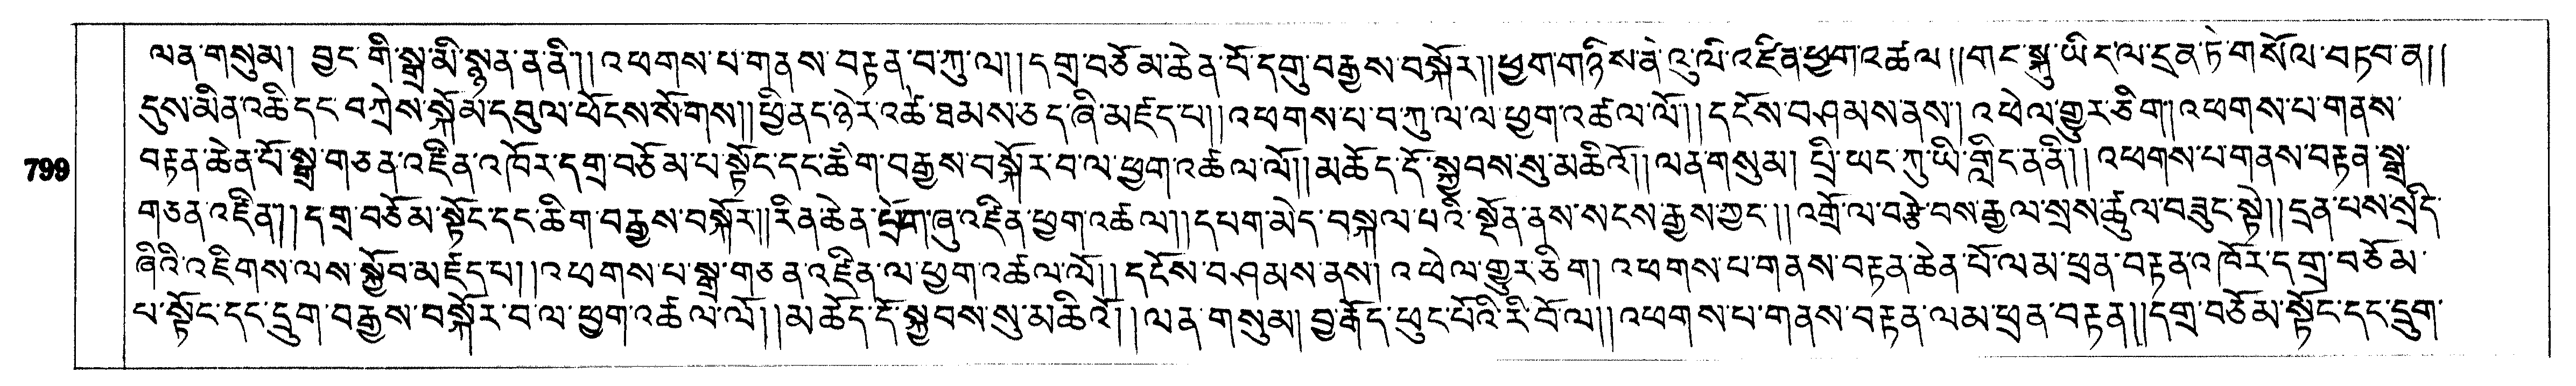ལན་གསུམ། བྱང་གི་སྒྲ་མི་སྙན་ན་ནི། །འཕགས་པ་གནས་བརྟན་བ་ཀུ་ལ། །དགྲ་བཅོམ་ཆེན་པོ་དགུ་བརྒྱས་བསྐོར། །ཕྱག་གཉིས་ནེ་འུ་ལི་འཛིན་ཕྱག་འཚལ། །གང་སྐུ་ཡིད་ལ་དྲན་ཏེ་གསོལ་བཏབ་ན།།
དུས་མིན་འཆི་དང་བཀྲེས་སྐོམ་དབུལ་ཕོངས་སོགས། །ཕྱི་ནང་ཉེར་འཚེ་ཐམས་ཅད་ཞི་མཛད་པ། །འཕགས་པ་བ་ཀུ་ལ་ལ་ཕྱག་འཚལ་ལོ། །དངོས་བཤམས་ནས། འཕེལ་གྱུར་ཅིག །འཕགས་པ་གནས་
བརྟན་ཆེན་པོ་སྒྲ་གཅན་འཛིན་འཁོར་དགྲ་བཅོམ་པ་སྟོང་དང་ཆིག་བརྒྱས་བསྐོར་བ་ལ་ཕྱག་འཚལ་ལོ། །མཆོད་དོ་སྐྱབས་སུ་མཆིའོ། །ལན་གསུམ། པྲི་ཡང་ཀུ་ཡི་གླིང་ན་ནི། །འཕགས་པ་གནས་བརྟན་སྒྲ་
གཅན་འཛིན། །དགྲ་བཅོམ་སྟོང་དང་ཆིག་བརྒྱས་བསྐོར། །རིན་ཆེན་པྲོག་ཞུ་འཛིན་ཕྱག་འཚལ། །དཔག་མེད་བསྐལ་པའི་སྔོན་ནས་སངས་རྒྱས་ཀྱང་། །འགྲོ་ལ་བརྩེ་བས་རྒྱལ་སྲས་ཚུལ་བཟུང་སྟེ། །དྲན་པས་སྲིད་
ཞིའི་འཇིགས་ལས་སྐྱོབ་མཛད་པ། །འཕགས་པ་སྒྲ་གཅན་འཛིན་ལ་ཕྱག་འཚལ་ལོ། །དངོས་བཤམས་ནས། འཕེལ་གྱུར་ཅིག །འཕགས་པ་གནས་བརྟན་ཆེན་པོ་ལམ་ཕྲན་བརྟན་འཁོར་དགྲ་བཅོམ་
པ་སྟོང་དང་དྲུག་བརྒྱས་བསྐོར་བ་ལ་ཕྱག་འཚལ་ལོ། །མཆོད་དོ་སྐྱབས་སུ་མཆིའོ། །ལན་གསུམ། བྱ་རྒོད་ཕུང་པོའི་རི་བོ་ལ། །འཕགས་པ་གནས་བརྟན་ལམ་ཕྲན་བརྟན། །དགྲ་བཅོམ་སྟོང་དང་དྲུག་